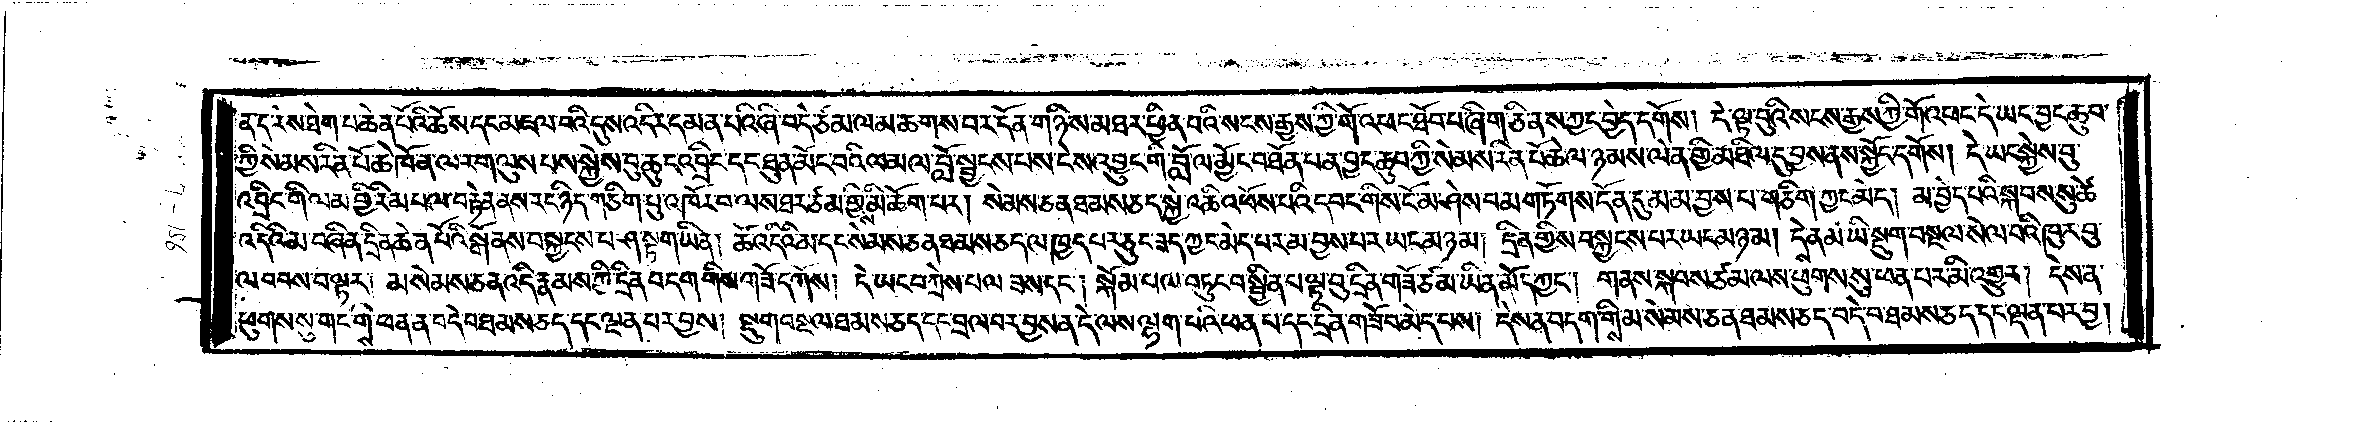ན་ད་རེས་ཐེག་པ་ཆེན་པོའི་ཆོས་དང་མཇལ་བའི་དུས་འདིར་དམན་པའི་ཞི་བདེ་ཙམ་ལ་མ་ཆགས་པར་དོན་གཉིས་མཐར་ཕྱིན་པའི་སངས་རྒྱས་ཀྱི་གོ་འཕང་ཐོབ་པ་ཞིག་ཅི་ནས་ཀྱང་བྱེད་དགོས། དེ་ལྟ་བུའི་སངས་རྒྱས་ཀྱི་གོ་འཕང་དེ་ཡང་བྱང་ཆུབ་
ཀྱི་སེམས་རིན་པོ་ཆེ་ཁོ་ན་ལ་རག་ལུས་པས་སྐྱེས་བུ་ཆུང་འབྲིང་དང་ཐུན་མོང་བའི་ལམ་ལ་བློ་སྦྱངས་པས་ངེས་འབྱུང་གི་བློ་ལ་མྱོང་བ་ཐོན་པ་ན་བྱང་ཆུབ་ཀྱི་སེམས་རིན་པོ་ཆེ་ལ་ཉམས་ལེན་གྱི་མཐིལ་དུ་བྱས་ནས་སྐྱོང་དགོས། དེ་ཡང་སྐྱེས་བུ་
འབྲིང་གི་ལམ་གྱི་རིམ་པ་ལ་བརྟེན་ནས་རང་ཉིད་གཅིག་པུ་འཁོར་བ་ལས་ཐར་ཙམ་གྱིས་མི་ཆོག་པར། སེམས་ཅན་ཐམས་ཅད་སྐྱེ་འཆི་འཕོས་པའི་དབང་གིས་ངོ་མ་ཤེས་པ་མ་གཏོགས་དོན་དུ་མ་མ་བྱས་པ་གཅིག་ཀྱང་མེད། མ་བྱེད་པའི་སྐབས་སུ་ཚེ་
འདིའི་མ་བཞིན་དྲིན་ཆེན་པོའི་སྒོ་ནས་བསྐྱངས་པ་ཤ་སྟག་ཡིན། ཚེ་འདིའི་མ་དང་སེམས་ཅན་ཐམས་ཅད་ལ་ཁྱད་པར་ཅུ་ན་ཟད་ཀྱང་མེད་པར་མ་བྱས་པར་ཡང་མཉམ། དྲིན་གྱིས་བསྐྱངས་པར་ཡང་མཉམ། དེས་ན་མ་ཡི་སྡུག་བསྔལ་སེལ་བའི་ཁུར་བུ་
ལ་བབས་པ་ལྟར། མ་སེམས་ཅན་འདི་རྣམས་ཀྱི་དྲིན་བདག་གིས་གཟོ་དགོས། དེ་ཡང་བཀྲེས་པ་ལ་ཟས་དང་། སྐོམ་པ་ལ་བཏུང་བ་སྦྱིན་པ་ལྟ་བུ་དྲིན་གཟོ་ཙམ་ཡིན་མོད་ཀྱང་། གནས་སྐབས་ཙམ་ལས་ཕུགས་སུ་ཕན་པར་མི་འགྱུར། དེས་ན་
ཕུགས་སུ་གང་གིས་ཕན་ན་བདེ་བ་ཐམས་ཅད་དང་ལྡན་པར་བྱས། སྡུག་བསྔལ་ཐམས་ཅད་དང་བྲལ་བར་བྱས་ན་དེ་ལས་ལྷག་པའི་ཕན་པ་དང་དྲིན་གཟོ་བ་མེད་པས། དེས་ན་བདག་གིས་མ་སེམས་ཅན་ཐམས་ཅད་བདེ་བ་ཐམས་ཅད་དང་ལྡན་པར་བྱ།